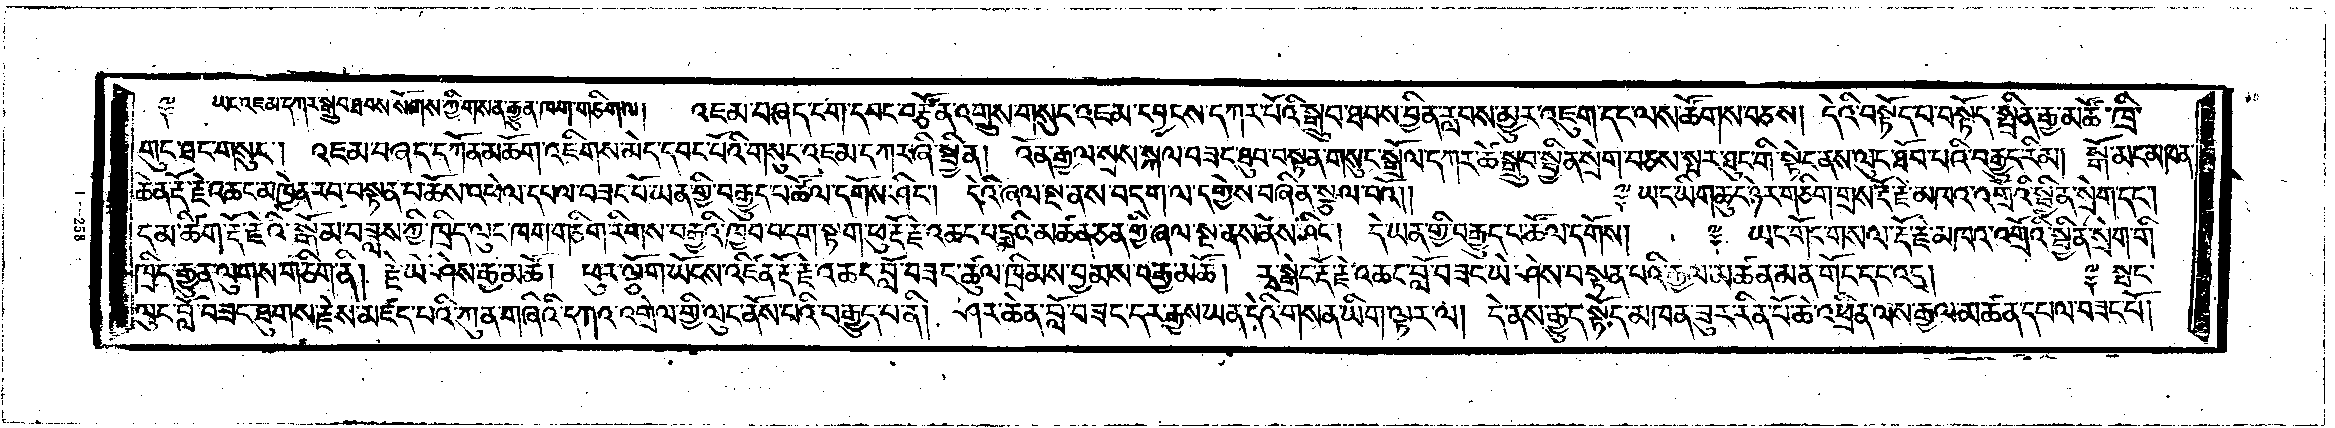འ་ཡང་འཇམ་དཀར་སྒྲུབ་ཐབས་སོགས་ཀྱི་གསན་རྒྱུན་ཁག་གཅིག་ལ།  འཇམ་བཞད་ངག་དབང་བརྩོན་འགྲུས་གསུང་འཇམ་དབྱངས་དཀར་པོའི་སྒྲུབ་ཐབས་བྱིན་རླབས་མྱུར་འཇུག་དང་ལས་ཚོགས་བཅས། དེའི་བསྟོད་པ་བསྟོད་སྤྲིན་རྒྱ་མཚོ་ཁྲི་
གུང་ཐང་གསུང་། འཇམ་བཞད་དཀོན་མཆོག་འཇིགས་མེད་དབང་པོའི་གསུང་འཇམ་དཀར་ཞི་སྦྱིན། འོན་རྒྱལ་སྲས་སྐལ་བཟང་ཐུབ་བསྟན་གསུང་སྒྲོལ་དཀར་ཚེ་སྒྲུབ་སྦྱིན་སྲེག་བཅས་སྤར་ཐུང་གི་སྟེང་ནས་ལུང་ཐོབ་པའི་བརྒྱུད་རིམ། སྒོ་མང་མཁན་
ཆེན་རྡོ་རྗེ་འཆང་མཁྱེན་རབ་བསྟན་པ་ཆོས་འཕེལ་དཔལ་བཟང་པོ་ཡན་གྱི་བརྒྱུད་པ་ཚོལ་དགོས་ཤིང་། དེའི་ཞལ་སྔ་ནས་བདག་ལ་དགྱེས་བཞིན་སྩལ་བའོ།། འ་ཡང་ཡིག་ཆུང་ཉེར་གཅིག་གྲས་རྡོ་རྗེ་མཁའ་འགྲོའི་སྦྱིན་སྲེག་དང་།
དམ་ཚིག་རྡོ་རྗེའི་སྒོམ་བཟླས་ཀྱི་ཁྲིད་ལུང་ཁག་གཅིག་རིགས་བརྒྱའི་ཁྱབ་བདག་སྟག་ཕུ་རྡོ་རྗེ་འཆང་པདམའི་མཚན་ཅན་གྱི་ཞལ་སྔ་ནས་ནོས་ཤིང་། དེ་ཡན་གྱི་བརྒྱུད་པ་ཚོལ་དགོས། འ་ཡང་གོང་གསལ་རྡོ་རྗེ་མཁའ་འགྲོའི་སྦྱིན་སྲེག་གི་
ཁྲིད་རྒྱུན་ལུགས་གཅིག་ནི། རྗེ་ཡེ་ཤེས་རྒྱ་མཚོ། ཕུར་ལྕོག་ཡོངས་འཛིན་རྡོ་རྗེ་འཆང་བློ་བཟང་ཚུལ་ཁྲིམས་བྱམས་བརྒྱ་མཚོ། རྭ་སྒྲེང་རྡོ་རྗེ་འཆང་བློ་བཟང་ཡེ་ཤེས་བསྟན་པའི་རྒྱལ་མཚན་མན་གོང་དང་འདྲ། འ་སྤང་
ལུང་བློ་བཟང་ཐུགས་རྗེས་མཛད་པའི་ཀུན་གཞིའི་དཀའ་འགྲེལ་གྱི་ལུང་ནོས་པའི་བརྒྱུད་པ་ནི། ཤར་ཆེན་བློ་བཟང་དར་རྒྱས་ཡན་དེའི་གསན་ཡིག་ལྟར་ལ། དེ་ནས་རྒྱུད་སྟོད་མཁན་ཟུར་རིན་པོ་ཆེ་འཕྲིན་ལས་རྒྱལ་མཚན་དཔལ་བཟང་པོ།